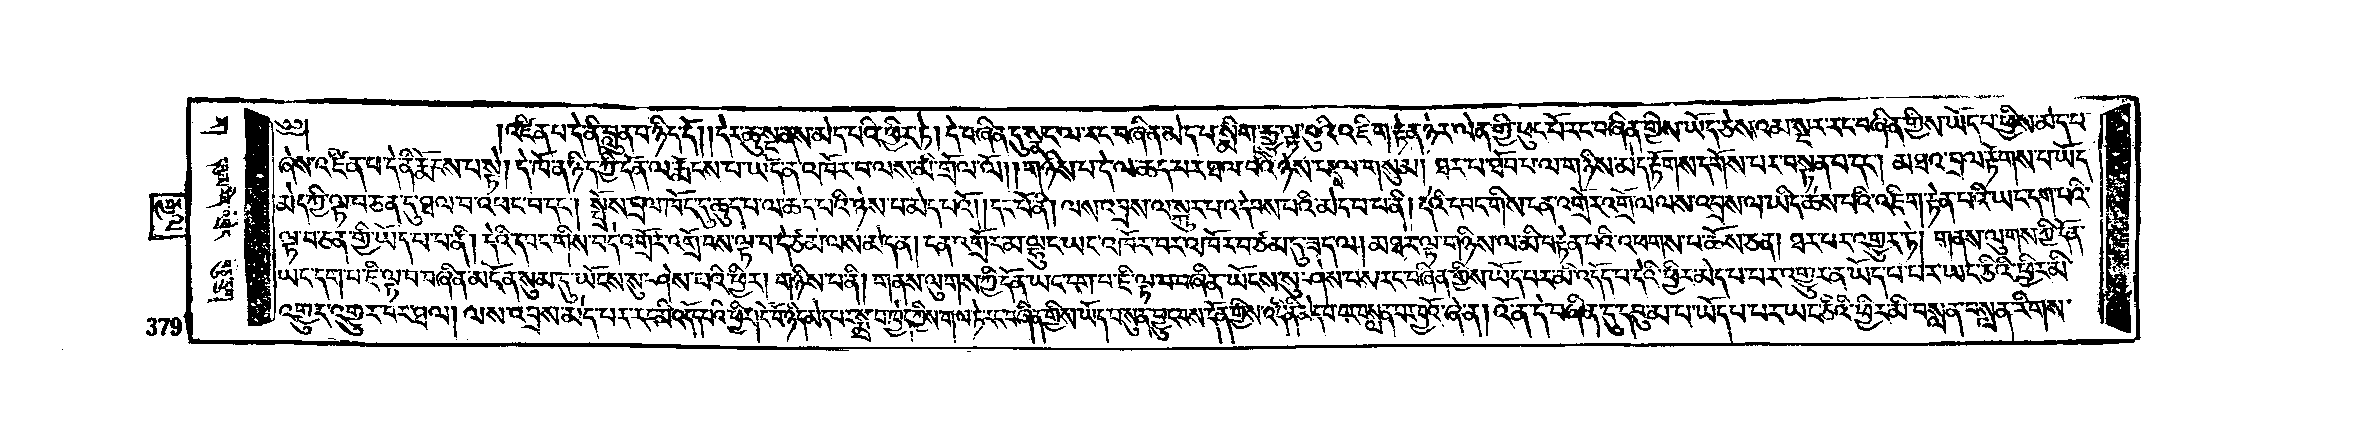༄༅། །འཛིན་པ་དེ་ནི་བླུན་པ་ཉིད་དོ། །དེར་ཆུ་སྔ་ནས་མེད་པའི་ཕྱིར་ཏེ། དེ་བཞིན་དུ་སྣང་ལ་རང་བཞིན་མེད་པ་སྨིག་རྒྱུ་ལྟ་བུའི་འཇིག་རྟེན་ཉེར་ལེན་གྱི་ཕུང་པོ་རང་བཞིན་གྱིས་ཡོད་ཅེས་འམ་སྔར་རང་བཞིན་གྱིས་ཡོད་པ་ཕྱིས་མེད་པ་
ཞེས་འཛིན་པ་དེ་ནི་རྨོངས་པ་སྟེ། དེ་ཁོ་ན་ཉིད་ཀྱི་དོན་ལ་རྨོངས་པ་ཡོད་ན་འཁོར་བ་ལས་མི་གྲོལ་ལོ། །གཉིས་པ་དེ་ལ་ཆད་པར་ཐལ་བའི་ཉེས་པས་ལ་གསུམ། ཐར་པ་ཐོབ་པ་ལ་གཉིས་མེད་རྟོགས་དགོས་པར་བསྟན་པ་དང་། མཐའ་བྲལ་རྟོགས་པ་ཡོད་
མེད་ཀྱི་ལྟ་བ་ཅན་དུ་ཐལ་བ་འཕང་བ་དང་། སྤྲོས་བྲལ་ཁོང་དུ་ཆུད་པ་ལ་ཆད་པའི་ཉེས་པ་མེད་པའོ། །དང་པོ་ནི། ལས་འབྲས་ལ་སྐུར་བ་འདེབས་པའི་མེད་པ་བ་ནི། དེའི་དབང་གིས་ངན་འགྲོར་འགྲོ་ལ་ལས་འབྲས་ལ་ཡིད་ཆེས་པའི་འཇིག་རྟེན་པའི་ཡང་དག་པའི་
ལྟ་བ་ཅན་གྱི་ཡོད་པ་བ་ནི། དེའི་དབང་གིས་བདེ་འགྲོར་འགྲོ་བས་ལྟ་བ་དེ་ཙམ་ལས་མེད་ན། ངན་འགྲོར་མ་ལྷུང་ཡང་འཁོར་བར་འཁོར་བ་ཙམ་དུ་ཟད་ལ། མཐར་ལྟ་གཉིས་ལ་མི་བརྟེན་པའི་འཕགས་པ་ཆོས་ཅན། ཐར་པར་འགྱུར་ཏེ། གནས་ལུགས་ཀྱི་དོན་
ཡང་དག་པ་ཇི་ལྟ་བ་བཞིན་མངོན་སུམ་དུ་ཡོངས་སུ་ཤེས་པའི་ཕྱིར། གཉིས་པ་ནི། གནས་ལུགས་ཀྱི་དོན་ཡང་དག་པ་ཇི་ལྟ་བ་བཞིན་ཡོངས་སུ་ཤེས་པས་རང་བཞིན་གྱིས་ཡོད་པར་མི་འདོད་པ་དེའི་ཕྱིར་མེད་པ་པར་འགྱུར་ན་ཡོད་པ་པར་ཡང་ཅིའི་ཕྱིར་མི་
འགྱུར་བར་ཐལ། ལས་འབྲས་མེད་པར་རང་མི་འདོད་པའི་ཕྱིར། ངོ་བོ་ཉིད་མེད་པར་སྨྲ་བ་ཁྱེད་ཀྱིས་གལ་ཏེ་རང་བཞིན་གྱིས་ཡོད་པ་སུན་བྱུང་བས་དོན་གྱིས་འདི་ནི་མེད་པ་བར་བསླན་པར་བྱའོ་ཞེ་ན། འོ་ན་དེ་བཞིན་དུ་དབུ་མ་པ་ཡོད་པ་པར་ཡང་ཅིའི་ཕྱིར་མི་བསླན་བསླན་རིགས་